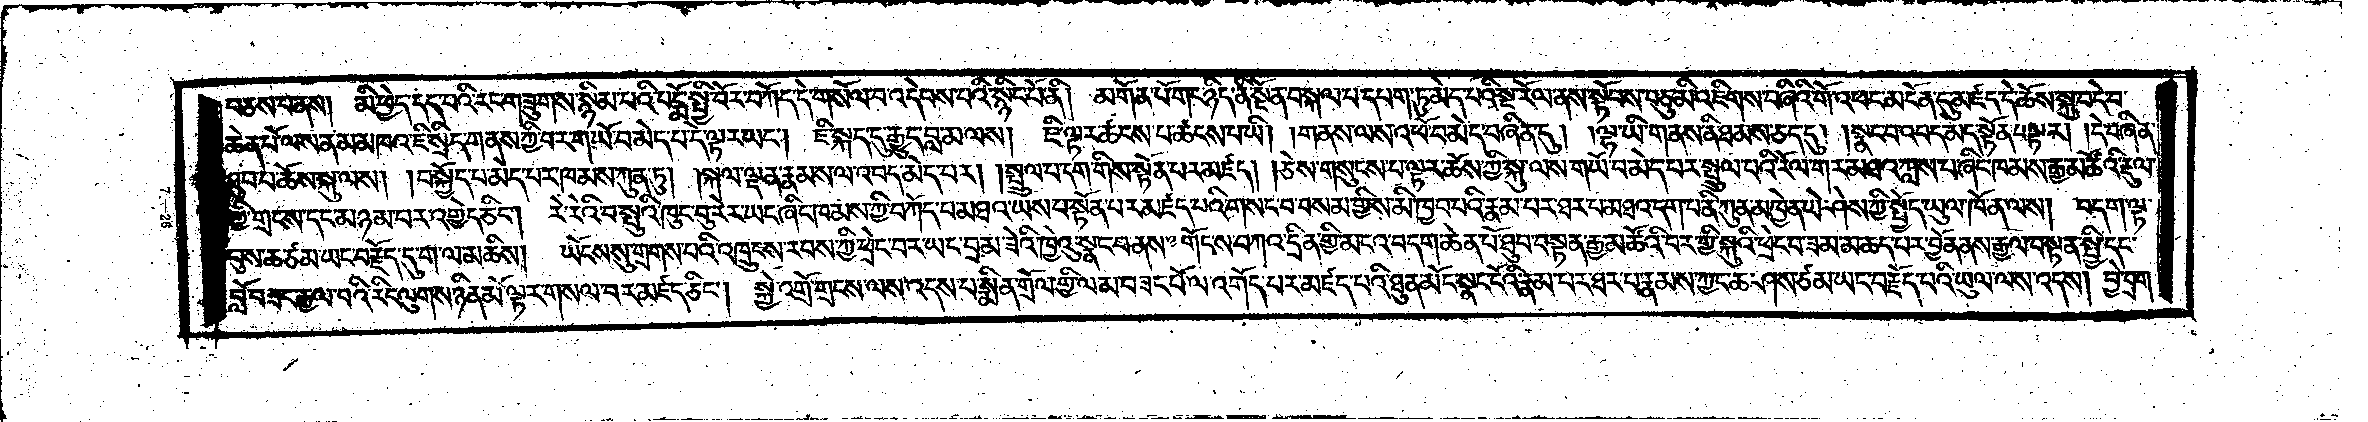བཅས་པ་ནས། མི་ཕྱེད་དད་པའི་རང་གཟུགས་སྙིམ་པའི་པདམོ་སྤྱི་བོར་བཀོད་དེ་གསོལ་བ་འདེབས་པའི་སྙིང་པོ་ནི། མགོན་པོ་གང་ཉིད་ནི་སྔོན་བསྐལ་པ་དཔག་ཏུ་མེད་པའི་སྔ་རོལ་ནས་སྟོབས་བཅུ་མི་འཇིགས་བཞིའི་གོ་འཕང་མངོན་དུ་མཛད་དེ་ཆོས་སྐུ་བདེ་བ་
ཆེན་པོ་ལས་ནམ་མཁའ་ཇི་སྲིད་གནས་ཀྱི་བར་གཡོ་བ་མེད་པ་དེ་ལྟར་ཡང་། ཇི་སྐད་དུ་རྒྱུད་བླ་མ་ལས། ཇི་ལྟར་ཚངས་པ་ཚངས་པ་ཡི། །གནས་ལས་འཕོ་བ་མེད་བཞིན་དུ། །ལྷ་ཡི་གནས་ནི་ཐམས་ཅད་དུ། །སྣང་བ་འབད་མེད་སྟོན་པ་ལྟར། །དེ་བཞིན་
ཐུབ་པ་ཆོས་སྐུ་ལས། །བསྐྱོད་པ་མེད་པར་ཁམས་ཀུན་ཏུ། །སྐལ་ལྡན་རྣམས་ལ་འབད་མེད་པར། །སྤྲུལ་པ་དག་གིས་སྟོན་པར་མཛད། །ཅེས་གསུངས་པ་ལྟར་ཆོས་ཀྱི་སྐུ་ལས་གཡོ་བ་མེད་པར་སྤྲུལ་པའི་རོལ་གར་མཐའ་ཀླས་པ་ཞིང་ཁམས་རྒྱ་མཚོའི་རྡུལ་
གྱི་གྲངས་དང་མཉམ་པར་འགྱེད་ཅིང་། རེ་རེའི་བ་སྤུའི་ཁུང་བུ་རེར་ཡང་ཞིང་ཁམས་ཀྱི་བཀོད་པ་མཐའ་ཡས་པ་སྟོན་པར་མཛད་པའི་གསང་བ་བསམ་གྱིས་མི་ཁྱབ་པའི་རྣམ་པར་ཐར་བ་མཐའ་དག་པ་ནི་ཀུན་མཁྱེན་ཡེ་ཤེས་ཀྱི་སྤྱོད་ཡུལ་ཁོ་ན་ལས། བདག་ལྟ་
བུས་ཆ་ཙམ་ཡང་བརྗོད་དུ་ག་ལ་མཆིས། ཡོངས་སུ་གྲགས་པའི་འཁྲུངས་རབས་ཀྱི་ཕྲེང་བར་ཡང་བྲམ་ཟེའི་ཁྱེའུ་སྣང་བ་ནས ༧གོང་ས་བཀའ་དྲིན་གྱི་མངའ་བདག་ཆེན་པོ་ཐུབ་བསྟན་རྒྱ་མཚོའི་བར་གྱི་སྐུའི་ཕྲེང་བ་ཟམ་མ་ཆད་པར་བྱོན་ནས་རྒྱལ་བསྟན་སྤྱི་དང་
བློ་བཟང་རྒྱལ་བའི་རིང་ལུགས་ཉིན་མོ་ལྟར་གསལ་བར་མཛད་ཅིང་། སྐྱེ་འགྲོ་གྲངས་ལས་འདས་པ་སྨིན་གྲོལ་གྱི་ལམ་བཟང་པོ་ལ་འགོད་པར་མཛད་པའི་ཐུན་མོང་སྣང་ངོའི་རྣམ་པར་ཐར་པ་རྣམས་ཀྱང་ཆ་ཤས་ཙམ་ཡང་བརྗོད་པའི་ཡུལ་ལས་འདས། བྱེ་བྲག་